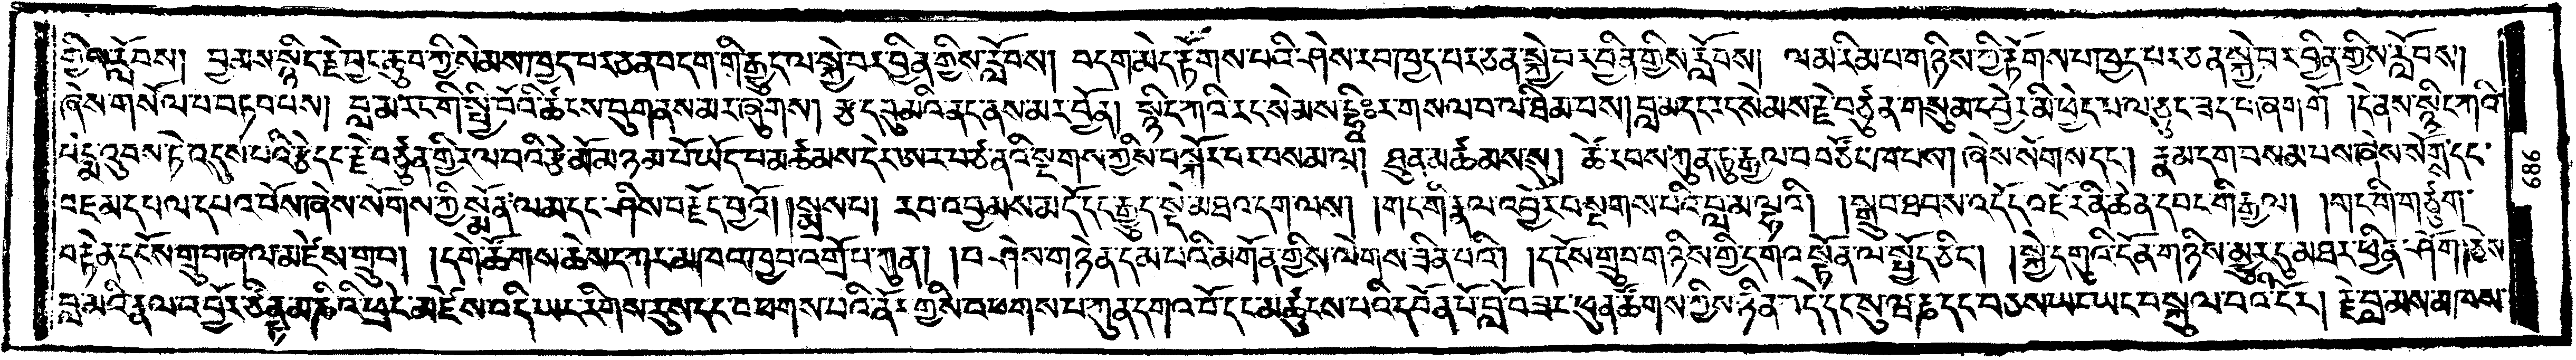གྱིས་རློབས། བྱམས་སྙིང་རྗེ་བྱང་ཆུབ་ཀྱི་སེམས་ཁྱད་པར་ཅན་བདག་གི་རྒྱུད་ལ་སྐྱེ་བར་བྱིན་གྱིས་རློབས། བདག་མེད་རྟོགས་པའི་ཤེས་རབ་ཁྱད་པར་ཅན་སྐྱེ་བར་བྱིན་གྱིས་རློབས། ལམ་རིམ་པ་གཉིས་ཀྱི་རྟོགས་པ་ཁྱད་པར་ཅན་སྐྱེ་བར་བྱིན་གྱིས་རློབས།
ཞེས་གསོལ་པ་བཏབ་པས། བླ་མ་རང་གི་སྤྱི་བོའི་ཚངས་བུ་གནས་མར་ཞུགས། རྩ་དབུ་མའི་ནང་ནས་མར་བྱོན། སྙིང་ཀའི་རང་སེམས་དྷཱིཿ ར་གསལ་བ་ལ་ཐིམ་པས། བླ་མ་དང་རང་སེམས་རྗེ་བཙུན་གསུམ་དབྱེར་མི་ཕྱེད་པ་ལ་ཅུང་ཟང་བཞག་གོ །དེ་ནས་སྙིང་ཀའི་
པདམ་འུབས་ཏེ་འདུས་པའི་རྩེ་དང་རྗེ་བཙུན་གྱི་རལ་བའི་རྩེ་མོ་མཉམ་པོ་ཡོད་པ་མཚམས་དེར་ཨར་པ་ཙ་ནའི་སྔགས་ཀྱིས་བསྐོར་པར་བསམ་ལ། ཐུན་མཚམས་སུ། ཚེ་རབས་ཀུན་ཏུ་རྒྱལ་བ་བཙོང་ཁ་པས། ཞེས་སོགས་དང་། རྣམ་དག་བསམ་པས་ཞེས་སོགས་དང་
འཇམ་དཔལ་དཔའ་བོས་ཞེས་སོགས་ཀྱི་སྨོན་ལམ་དང་ཤིས་བརྗོད་བྱའོ། །སྨྲས་པ། རབ་འབྱམས་མདོ་དང་རྒྱུད་སྡེ་མཐའ་དག་ལས། །གང་གི་རྣལ་འབྱོར་བསྔགས་པའི་བླ་མ་ལྷའི། །སྒྲུབ་ཐབས་འདོད་འཇོ་རིན་ཆེན་དབང་གི་རྒྱལ། །གང་གི་གཙུག་
བརྟེན་དངོས་གྲུབ་ཞལ་མཛེས་གྲུབ། །དགེ་ཚོགས་ཆེས་དཀར་མཁའ་ཁྱབ་འགྲོ་བ་ཀུན། །བཤེས་གཉེན་དམ་པའི་མགོན་གྱིས་ལེགས་ཟིན་པའི། །དངོས་གྲུབ་གཉིས་གྱི་དགའ་སྟོན་ལ་སྤྱོད་ཅིང་། །སྐྱེ་དགུའི་དོན་གཉིས་མྱུར་དུ་མཐར་ཕྱིན་ཤོག། ཅེས་
བླ་མའི་རྣལ་འབྱོར་ཙིནྟ་མ་ཎིའི་ཕྲེང་མཛེས་འདི་ཡང་རིགས་རུས་དང་འཕགས་པའི་ནོར་གྱིས་འཕགས་པ་ཀུན་དགའ་བོ་དང་མཚུངས་པའི་དབོན་པོ་བློ་བཟང་ཕུན་ཚོགས་ཀྱིས་ཉིན་བདེ་དང་སུ་ཝརྞ་དང་བཅས་ཡང་ཡང་བསྐུལ་བའི་ངོར། རྗེ་བླ་མས་མཁས་